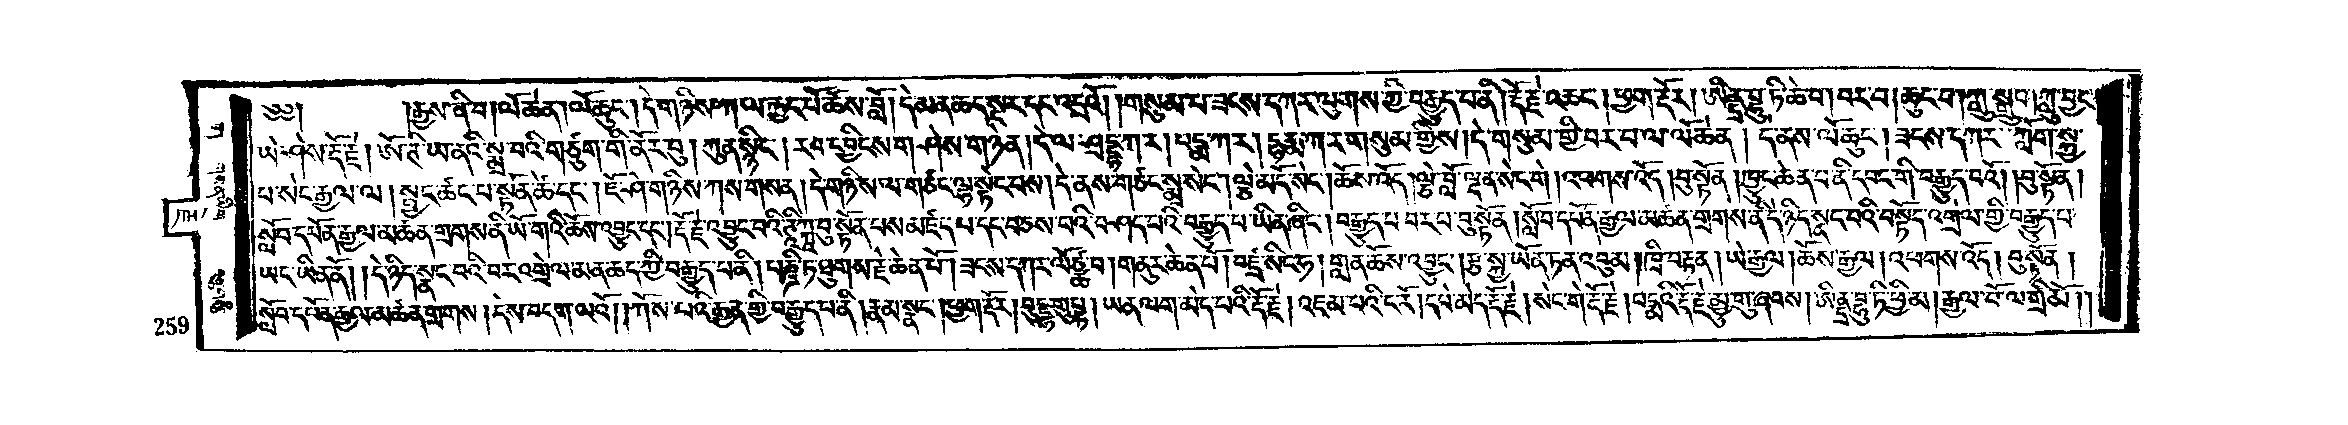༄༅། །རྒྱས་ཞི་བ། ལོ་ཆེན། ལོ་ཆུང་། དེ་གཉིས་ཀ་ལ་རྐྱང་པོ་ཆོས་བློ། དེ་མན་ཆད་སྔར་དང་འདྲའོ། །གསུམ་པ་ཟངས་དཀར་ལུགས་ཀྱི་བརྒྱུད་པ་ནི། རྡོ་རྗེ་འཆང་། ཕྱག་རྡོར། ཨིཎྡྲ་བྷུ་ཏི་ཆེ་བ། བར་བ། ཀླུ་སྒྲུབ། ཀླུ་བྱང་
ཡེ་ཤེས་རྡོ་རྗེ། ཨོ་ཊི་ཡ་ནའི་སྨྲ་བའི་གཙུག་གི་ནོར་བུ། ཀུན་སྙིང་། རབ་དབྱིངས་གཤེས་གཉེན། དེ་ལ་ཤྲདྡྷ་ཀ་ར། པདམ་ཀ་ར། དྷརྨ་ཀ་ར་གསུམ་གྱིས། དེ་གསུམ་གྱི་བར་བ་ལ་ལོ་ཆེན། དེ་ནས་ལོ་ཆུང་། ཟངས་དཀར་ཀློག་སྐྱ་
པ་སེང་རྒྱལ་ལ། སྦྱང་ཚང་པ་སྟོན་ཚེ་དང་། ཇོ་ཤེ་གཉིས་ཀས་གསན། དེ་གཉིས་ལ་གཙང་ལྷ་སྟེང་པས། དེ་ནས་གཙང་སྨྲ་སེང་། ལྕེ་མདོ་སེང་། ཆོས་འོད། ལྕེ་བློ་ལྡན་སེང་གེ། འཕགས་འོད་།བུ་སྟོན་།བྱང་ཆེན་པ་ནི་དབང་གི་བརྒྱུད་པའོ། །བུ་སྟོན།
སློབ་དཔོན་རྒྱལ་མཚན་གྲགས་ནི་ཡོ་གའི་ཆོས་འབྱུང་དང་། རྡོ་རྗེ་འབྱུང་བའི་ཊཱིཀྐཱ་བུ་སྟོན་པས་མཛད་པ་དང་བཅས་པའི་བཤད་པའི་བརྒྱུད་པ་ཡིན་ཞིང་། བརྒྱུད་པ་བར་པ་བུ་སྟོན། བློབ་དཔོན་རྒྱལ་མཚན་གྲགས་ནི་དེ་ཉིད་སྣང་བའི་བསྟོད་འགྲེལ་གྱི་བརྒྱུད་པ་
ཡང་ཡིན་ནོ། །དེ་ཉིད་སྣང་བའི་བར་འགྲེལ་མན་ཆད་ཀྱི་བརྒྱུད་པ་ནི། པཎྜི་ཏ་ཐུགས་རྗེ་ཆེན་པོ། ཟངས་དཀར་ལོཙྪ་བ། གནུར་ཆེན་པོ། བཛྲ་སིང་ཧ། གླན་ཆོས་འབྱུང་། རྩ་སྐྱ་ཡོན་ཏན་འབུམ། ཁྲི་བརྟན། ཡེ་རྒྱལ། ཆོས་རྒྱལ། འཕགས་འོད། བུ་སྟོན།
སློབ་དཔོན་རྒྱལ་མཚན་གྲགས། དེས་བདག་ལའོ། །ཀོས་པའི་རྒྱན་གྱི་བརྒྱུད་པ་ནི། རྣམ་སྣང་། ཕྱག་རྡོར། བུདྡྷ་གུཔྟ། ཡན་ལག་མེད་པའི་རྡོ་རྗེ། འཇམ་པའི་ང་རོ། དཔེ་མེད་རྡོ་རྗེ། པདམའི་རྡོ་རྗེ་མྱུ་གུ་ཞབས། ཨིནྡྲ་བྷུ་ཏི་ཕྱི་མ། རྒྱལ་པོ་ལ་གྲི་མོ། །